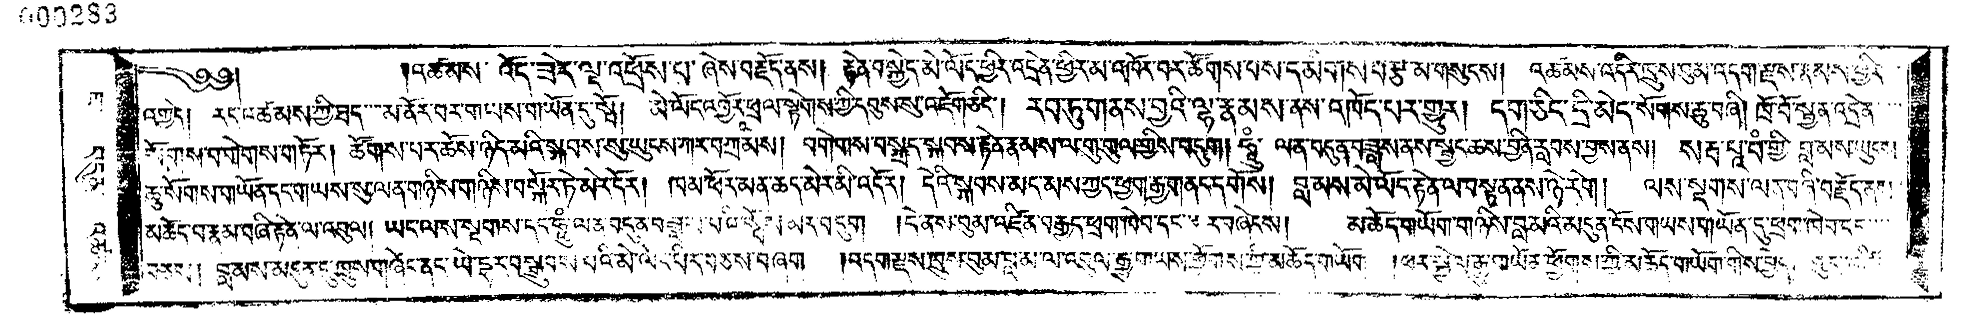༄༅། །འཚམས་འོད་ཟེར་ལྔ་འཕྲོས་པ་ཞེས་བརྗོད་ནས། རྟེན་བསྐྱེད་མེ་ལོང་ཕྱིར་འདྲེན་ཕྱིར་མ་འཁོར་བར་ཚོགས་པས་དམིགས་བརྩེ་མ་གསུངས། འཚམས་འདིར་ཁྲུས་བུམ་འདག་རྫས་རྣམས་ཕྱིར་
འགྱེད། རང་འཚམས་ཀྱི་ཐད་མ་ནོར་བར་གཡས་གཡོན་དུ་སྤོ། མེ་ལོང་འབྱོར་ཕྲལ་སྟེགས་ཀྱི་དབུས་སུ་འཇོག་ཅིང་། རབ་ཏུ་གནས་བྱའི་ལྷ་རྣམས་ནས་འཁོད་པར་གྱུར། དག་ཅིང་དྲི་མེད་སོགས་ཆུ་བཞི། ཁྲོ་བོ་སྤྱན་འདྲེན་
སོགས་བགེགས་གཏོར། ཚོགས་པར་ཆོས་ཉིད་མའི་སྐབས་སུ་ཡུངས་ཀར་བཀྲམས། བགེགས་བསྐྲད་སྐབས་རྟེན་རྣམས་ལ་གུ་གུལ་གྱིས་བདུག ། ཧཱུཾ་ལན་བདུན་བཟླས་ནས་སྦྱང་ཆས་བྱིན་རླབས་བྱས་ནས།  སརྦ་པཱ་བཾ་གྱི་བླ་མས་ཡུངས་
ཆུ་སོགས་གཡོན་དང་གཡས་སུ་ལན་གཉིས་གཉིས་བསྐོར་ཏེ་མེར་དོར། ཁམ་ཕོར་མན་ཆད་མེར་མི་འདོར། དེའི་སྐབས་མང་མས་ཀྱང་ཕྱག་རྒྱ་གནང་དགོས། བླ་མས་མེ་ལོང་རྟེན་ལ་བསྟན་ནས་ཉེ་རེག །ལས་སྔགས་ལན་བཞི་བརྗོད་ནས་
མཆོད་པ་རྣམ་བཞི་རྟེན་ལ་འབུལ། ཡང་ལས་སྔགས་དང་ཧཱུཾ་ལན་བདུན་བཟླས་པའི་སྤོས་མར་བདུག །དེ་ནས་བུམ་འཛིན་བརྒྱད་ཕྲག་ཁེབ་དང་ཅར་?་བཞེངས། མཆོད་གཡོག་གཉིས་བླ་མའི་མདུན་ངོས་གཡས་གཡོན་དུ་ཕྲག་ཁེབ་དང་
བཅས། བླ་མས་མདུན་དུ་ཁྲུས་གཞོང་ནང་ཡེ་དྷར་བསྒྲུབས་པའི་མེ་ལོང་པིར་བཅས་བཞག །འདག་རྫས་ཁྲུས་བུམ་བླ་མ་ལ་འབུལ་རྒྱུ་གཡས་ཕྱོགས་ཀྱི་མཆོད་གཡོག །ཕར་སྐྱེལ་རྒྱུ་གཡོན་ཕྱོགས་ཀྱི་མཆོད་གཡོག་གིས་བྱེད། བུམ་འཛིན་